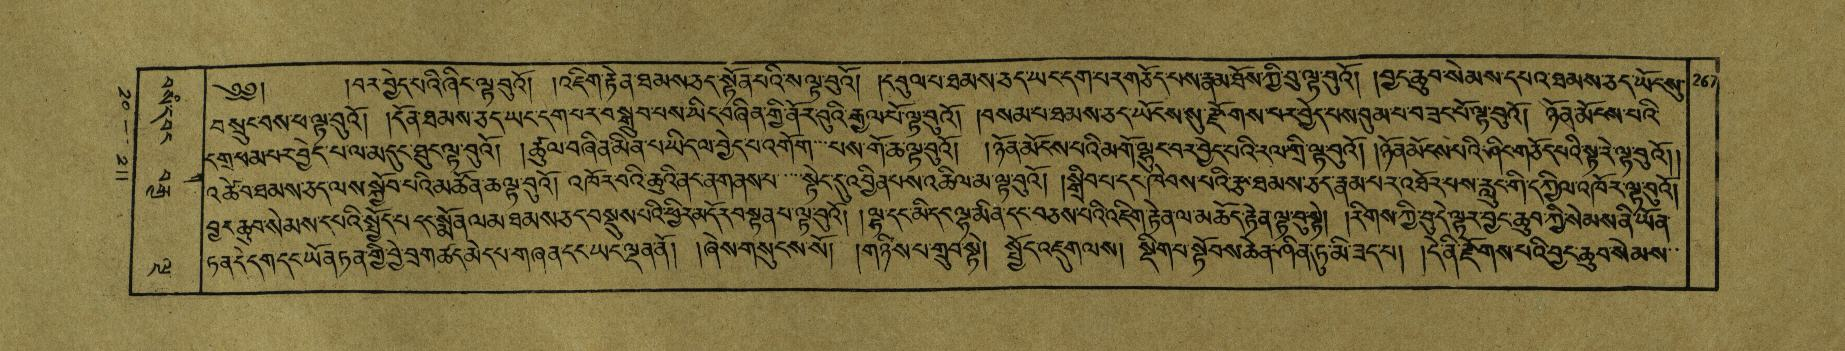༄༅། །བར་བྱེད་པའི་ཞིང་ལྟ་བུའོ། །འཇིག་རྟེན་ཐམས་ཅད་སྟོན་པའི་ས་ལྟ་བུ་འོ། །དབུལ་པ་ཐམས་ཅད་ཡང་དག་པར་གཅོད་པས་རྣམ་ཐོས་ཀྱི་བུ་ལྟ་བུའོ། །བྱང་ཆུབ་སེམས་དཔའ་ཐམས་ཅད་ཡོངྶུ་
བསྲུང་བས་ཕ་ལྟ་བུའོ། །དོནྠམས་ཅད་ཡང་དག་པར་བསྒྲུབ་པས་ཡིད་བཞིན་གྱི་ནོར་བུའི་རྒྱལ་པོ་ལྟ་བུའོ། །བསམ་པ་ཐམས་ཅད་ཡོངས་སུ་རྫོགས་པར་བྱེད་པས་བུམ་པ་བཟང་པོ་ལྟ་བུའོ། ཉོན་མོངས་པའི་
དགྲ་ཕམ་པར་བྱེད་པ་ལ་མདུང་ཐུང་ལྟ་བུའོ། །ཚུལ་བཞིན་མིན་པ་ཡིད་ལ་བྱེད་པ་འགོག་པས་གོ་ཆ་ལྟ་བུའོ། །ཉོན་མོངས་པའི་མགོ་ལྷུང་བར་བྱེད་པའི་རལ་གྲི་ལྟ་བུའོ། །ཉོན་མོངས་པ་འི་ཤིང་གཅོད་པའི་སྟ་རེ་ལྟ་བུའོ།།
འཚེ་བ་ཐམས་ཅད་ལས་སྐྱོབ་པའི་མཚོན་ཆ་ལྟ་བུའོ། འཁོར་བའི་ཆུའི་ནང་ན་གནས་པ་སྟེང་དུ་འབྱིན་པས་འཆིལ་མ་ལྟ་བུའོ། །སྒྲིབ་པ་དང་ཁེབས་པའི་རྩ་ཐམས་ཅད་རྣམ་པར་འཐོར་པས་རླུང་གི་དཀྱིལ་འཁོར་ལྟ་བུའོ།
བྱང་ཆུབ་སེམས་དཔའི་སྤྱོད་པ་དང་སྨོན་ལམ་ཐམས་ཅད་བསྡུས་པའི་ཕྱིར་མདོར་བསྟན་པ་ལྟ་བུའོ། །ལྷ་དང་མི་དང་ལྷ་མིན་དང་བཅས་པའི་འཇིག་རྟེན་ལ་མཆོད་རྟེན་ལྟ་བུ་སྟེ། །རིགས་ཀྱི་བུ་དེ་ལྟར་བྱང་ཆུབ་ཀྱི་སེམས་ནི་ཡོན་
ཏན་དེ་དག་དང་ཡོན་ཏན་གྱི་བྱེ་བྲག་ཚད་མེད་པ་གཞན་དང་ཡང་ལྡན་ནོ། །ཞེས་གསུངས་སོ། །གཉིས་པ་གྲུབ་སྟེ། སྤྱོད་འཇུག་ལས། སྡིག་པ་སྟོབས་ཆེན་ཤིན་ཏུ་མི་ཟད་པ། །དེ་ནི་རྫོགས་པའི་བྱང་ཆུབ་སེམས་